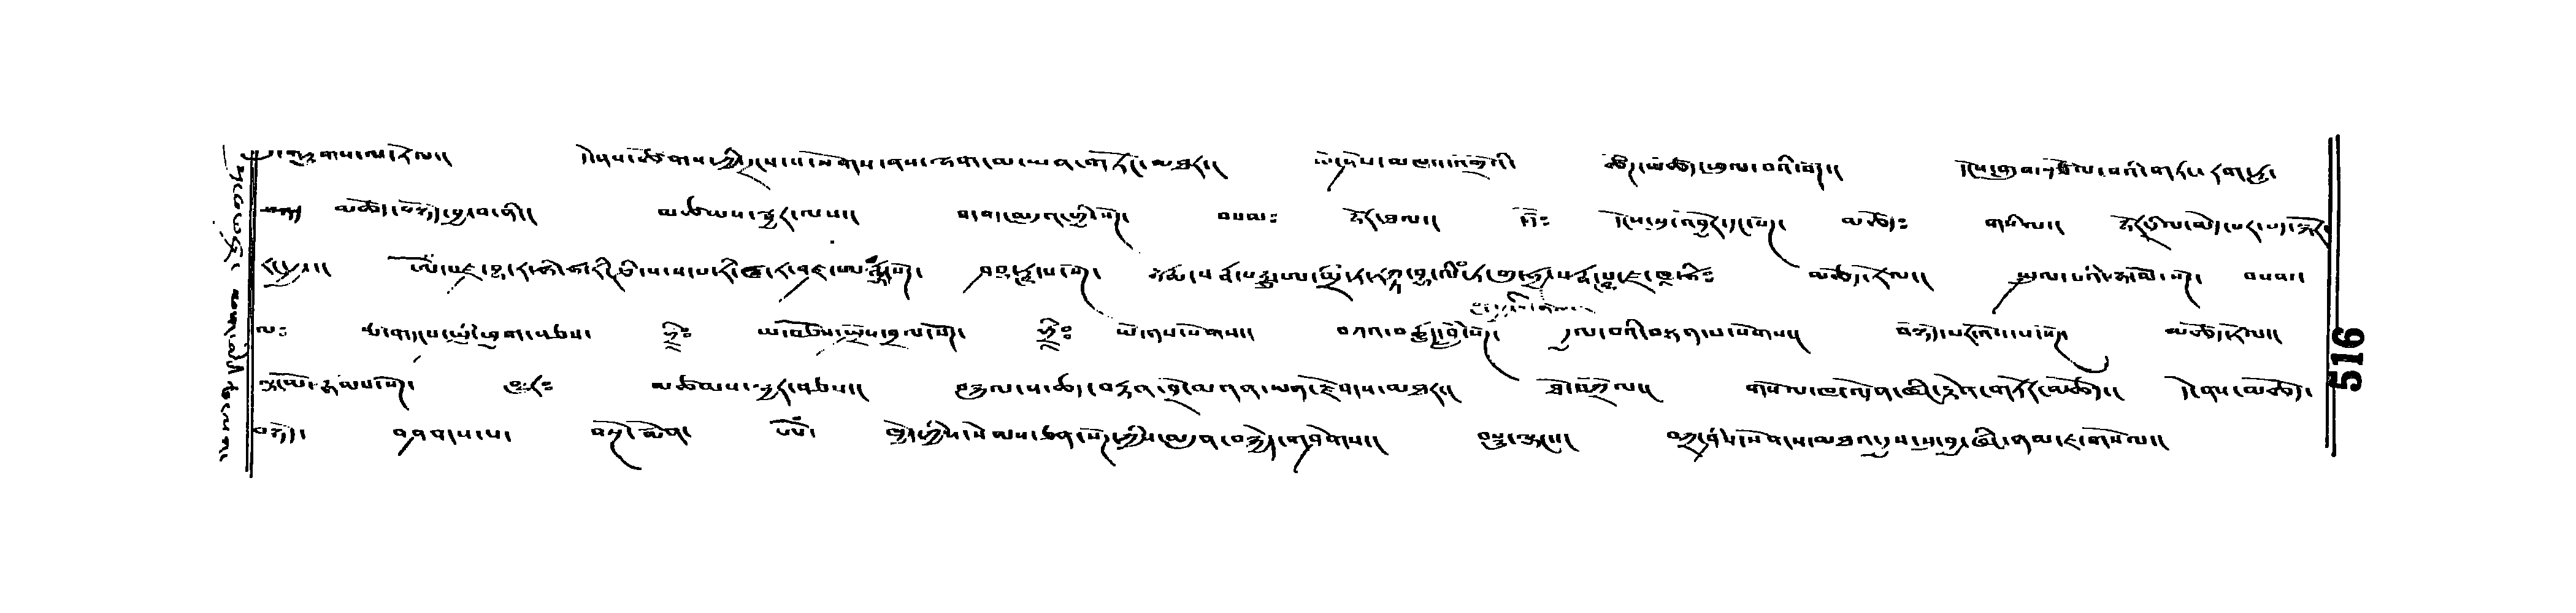དུ་གཏུགས་ལ་རོལ། དེ་ནས་ཚོགས་ཀྱི་དྲངས་པ་སོགས་ནས་ལྷག་མ་ཡན་བཏང་མཐར། ཡེ་ཤེས་མཁའ་འགྲོའི་སོགས་ནས། ཚོགས་མཆོད་ཕུལ་བའི་སོགས། དངོས་གྲུབ་བསྩལ་བའི་གཏང་རག་ཏུ་
མཆོད་བསྟོད་བྱ་བ་ནི། མཚམས་སྦྱར་ལས། བདག་མདུན་གྱི་སོགས། བསམ༔ རྡོར་ཐལ། ཧོཿ དངོས་སུ་འབྱོར་དང་སོགས། མཆོད༔ གསིལ། རྡོར་དྲིལ་མེད་པར་པད་སྐོར་
རང་རྒྱ། ཨོཾ་བཛྲ་བྷ་ར་ཧི་ཧ་རི་ཎི་ས་ས་པ་རི་ཝ་ར་བཛྲ་ཨརྒྷཾ་སོགས། ཤབྡ་རཱུ་པ་སོགས། དྷརྨ་སརྦ་པཉྩ་ཨ་མྲྀ་ཏ་རཀྟ་བྷ་ལིཾ་ཏ་གུ་ཧྱ་སརྦ་པཱུ་ཛ་ཁཱ་ཧིཿ མཆོད་རོལ། སྤྲུལ་པའི་ལྷ་མོ་སོགས། བསམ་
ལ༔ རྩ་གདངས་སྤྱི་ཕྱག་བཅས། ཧྲཱིཿ མ་བཅོས་སྤྲོས་བྲལ་སོགས། ཧྲཱིཿ ཡེ་ནས་སོགས། བཀའ་བརྒྱུད་བླ་མ་སོགས། རྒྱལ་བའི་བསྟན་པ་སོགས། བསྟོད་པར་འོས་པ་སོགས། མཆོད་རོལ་
ལྷ་མོ་རྣམས་སོགས། གྱུར༔ མཚམས་སྦྱར་བཅས། བསྐུལ་པ་ཆད་བརྟན་བྲོ་མནན་ཡན་རྫོགས་མཐར། ཐོ་བཀྲོལ། གསོལ་ཁ་འདོན་ཞིང་རྟེན་གཏོར་མཆོད། ས དེ་ནས་མཆོད་
བསྟོད། བཤགས་པ། བསྔོ་སྨོན། ཨོཾ། ཁྱེད་ཀྱིས་སེམས་ཅན་སོགས་ཀྱིས་མདུན་བསྐྱེད་གཤེགས། བསྡུ་ལྡང་། བཀྲ་ཤིས་སོགས་མཐའ་རྒྱས་སུ་བྱ་ཞིང་ནུབ་ཇ་གསོལ།